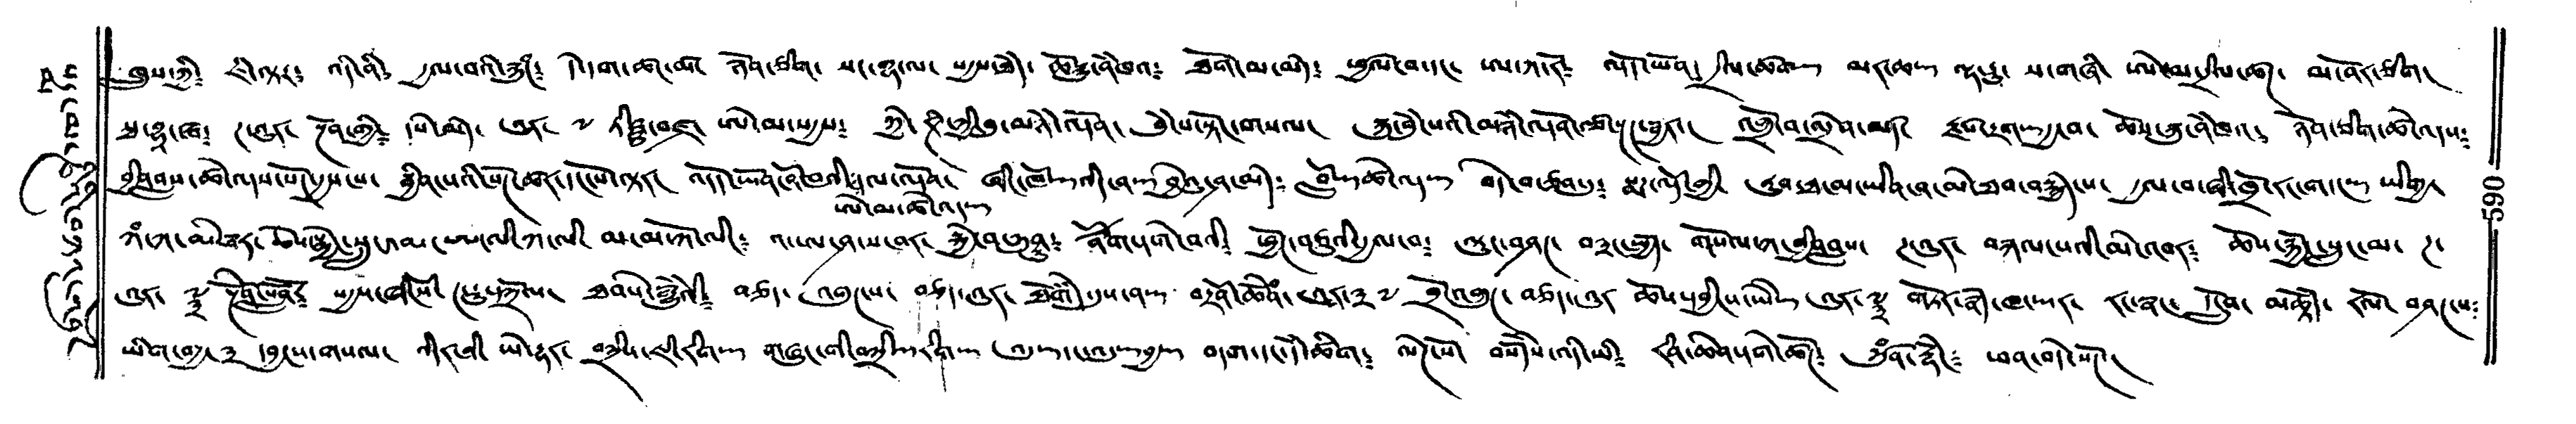ཁྲུས་ཀྱི༴ ཇི་ལྟར༴ འདི་ནི༴ རྒྱལ་བའི་སྐུ་གཟུགས༴ དེ་དག༴ ཉོན་ཅིག༴ ས་གྷ་ལ༴ སངས་རྒྱས་ཐམས་ཅད༴ ཆོས་སྐུ་ནམ་མཁའ༴ ཐོག་མ་མེད༴ ཕྱག་འཚལ་བ་དང༴ ཨ་ཀ་རོ༴ འདོད་ཡོན༴ དྲིལ་ཚག མར་ཆས། ལྷ་རུ༴ ས་གཞི༴ ཨེ་མ༴ དྲིལ་ཚག མ་ནོར་ཅིག 
སྭ་བྷཱ་ཝ༴ ཌཱ་འུར། སྔོན་གྱི༴ དཔེ་མེད༴ འུར་བདུན། ཏིཥྛ་བཛྲ། ཨེ་མ་སངས་རྒྱས༴ ཀྱེ། རིགས་ཀྱི་བུ༴ མཉམ་འདོན། བུམ་པ་སྟོང་གསལ༴ སྐུ་བུམ་པའི༴ མཉམ་འདོན་རྩ་སྔགས་སྦྱར། འགྲོ་བ་འདྲེན་མཛད༴ རྫས་རྟགས་བརྒྱད། ཆོས་སྐུ་ནམ་མཁའ༴ ཉོན་ཅིག་ཚེ་འདས༴ 
བྱིན་རླབས་ཚེ་འདས༴ སོགས་རྒྱས་པ། སྦྱིན་པའི༴ སོགས་ཚར་དང་པོ་ལྟར། འདོད་ཡོན་ནམ་མཁའི༴ ཨེ་མ་ཚེ་འདས༴ དལ་འདོན། ཞིང་ཁམས་འདི་ནས་བྱེའུ་ཤ་མེད༴ བླ་མས། ཚེ་འདས་བདེ་བ་ཅན་དུ༴ པདྨ་འདམ་གྱི༴ ནུབ་ཐ་མ་ཡིན་ན་མེ་ཐབ་བསྐྱེད་པ། རྒྱལ་བ་ཞི་ཁྲོ༴ རང་གདངས། ཡིག་རྒྱ། 
ཀཾ་ཀ༴ མེ་སྦར། ཆོས་སྐྱོང་སྲུང་མ༴ ཨ་ལི་ཀ་ལི༴ མ་མ་ཀོ་ལིང༴ འ་ཨ་ཤ་ས། བར། སྐྱེ་བ་ཀུན་ཏུ༴ རྣམ་དག་དགེ་བའི༴ ཕྱོགས་བཅུའི་རྒྱལ་བ༴ ལྟུང་བཤགས། བཟང་སྤྱོད། གསོལ་ཀ་བྱིན་རླབས། ཌཱ་འུར། བསྐལ་པའི་མེ་འབར༴ ཆོས་སྐྱོང་སྲུང་མ༴ ཌཱ་
འུར། སྔོན་ཚེ་སློབ་དཔོན༴ སངས་རྒྱས་ཞིང༴ ཌཱ་རུ་དཀྲོལ། ཐབས་ཤེས་སྒྱུ་མའི༴ བཅད། འགུགས་པ་བཅད། འུར། ཐོག་མེད་དུས་ནས༴ བརྟན་མ་ཆེན་པོ༴ འུར། བདུན་གསུམ། བྲོ་འགུགས། བཅད། འུར། གཏོར་སྣོད་ཁ་ཡར། རང་སྣང༴ དངོས་གྲུབ། མཆོད་བསྟོད། རོལ། བཤགས་པ༴ 
ཡིག་བརྒྱ་གསུམ། དབྱངས་གསལ། འདིར་ནི༴ ཡེ་དྷརྨ༴ བཀྲ་ཤིས་ཇི་རིགས། གཞུང་གི་བཀྲ་ཤིས་རིགས།འདུས་དང་འདུས་བྱས༴ བདག་དང་དམ་ཚིག༴ ལེགས་སོ། བསོད་ནམས་འདི་ཡི༴ རིན་ཆེན་དགེ་ཚོགས༴ ཕན་བདེ༴ སོགས།།